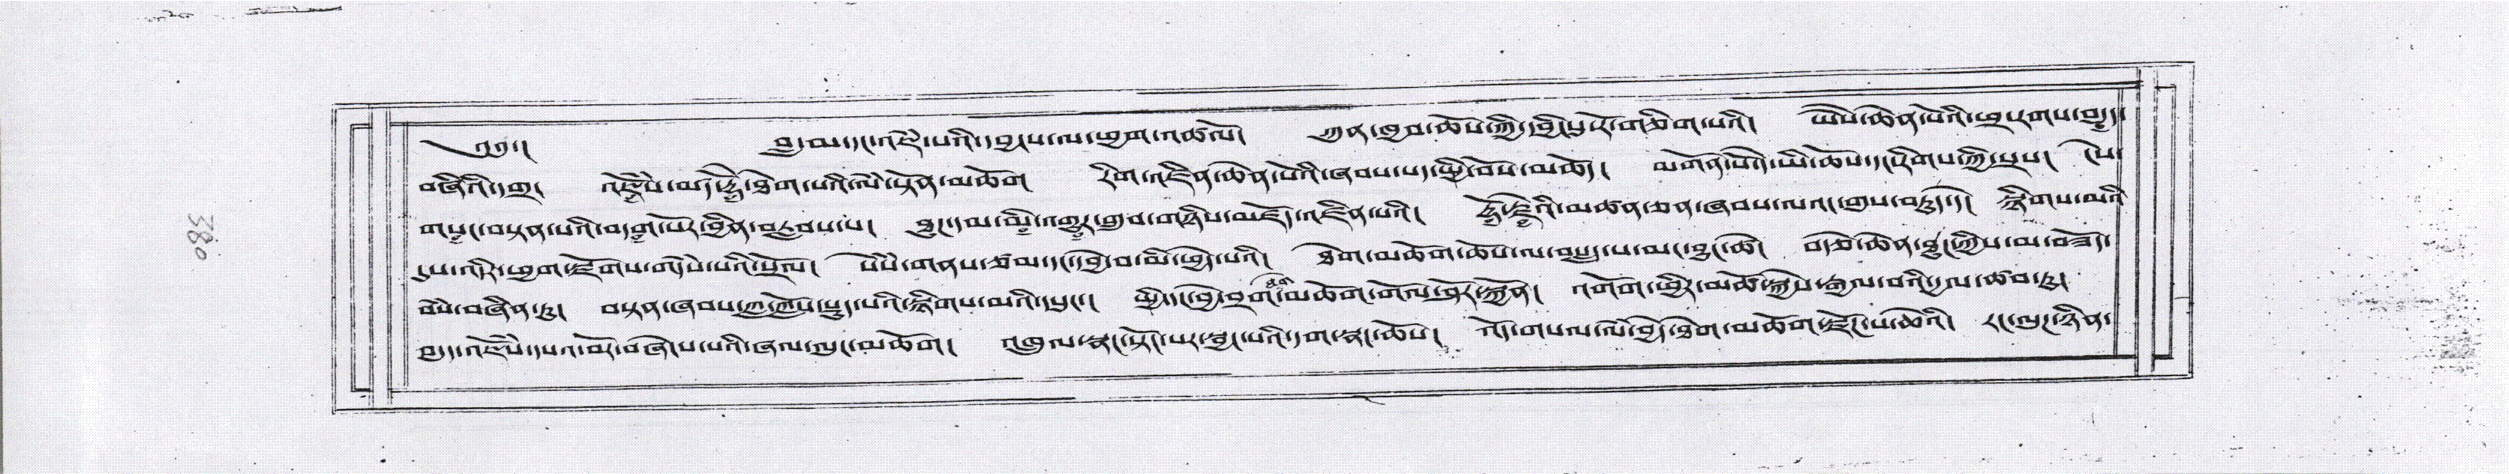༄༅།། བླ་མ་དང་འཇམ་པའི་དབྱངས་ལ་ཕྱག་འཚལ་ལོ། ཀུན་ཁྱབ་ཆོས་ཀྱི་དབྱིངས་རོ་གཅིག་པའི། ཡེ་ཤེས་ཆེན་པོའི་ཕྲ་རགས་བདུད་
བཞིའི་དགྲ། འཇོམས་མཛད་རྡོ་རྗེ་ཐེག་པའི་ལམ་སྟོན་མཆོག རིག་འཛིན་ཆེན་པོའི་ཞབས་པད་སྤྱི་བོས་མཆོད། མགོན་པོ་དེ་ཡི་ཆོས་དང་རིགས་ཀྱི་སྲས། ངེས་
གསང་བསྟན་པའི་བདག་པོར་བྱིན་བརླབས་པ། ཐུགས་དམ་མི་འགྱུར་གྲུབ་གཉིས་མཛོད་འཛིན་པའི། རྡོ་རྗེའི་མཚན་ཅན་ཞབས་ལའང་གུས་བཏུད་དེ། སྙིགས་མའི་
དུས་འདིར་ཕྱག་རྫོགས་གདམས་པའི་སྲོལ། སེམས་གནས་ཙམ་དང་དབྱེ་བ་མི་ཕྱེད་པའི། ཐེག་མཆོག་ཆོས་ལ་བསླད་པ་མང་བྱུང་ཚེ། བརྩེ་ཆེན་ཐུགས་ཀྱིས་མ་བཟོད་
བསམ་བཞིན་ཏུ། བསྟན་ཞབས་ཀླ་ཀློས་སྡུད་པའི་སྙིགས་མའི་དཔུང། སྤྱི་དང་བྱེ་བྲག་ཐེག་མཆོག་གོལ་ཤོར་སྐྱོན། འགོག་ཕྱིར་མཚོ་སྐྱེས་རྒྱལ་བའི་རྒྱལ་ཚབ་ཏུ། 
བདུད་འཇོམས་དཔའ་བོར་བཞེངས་པའི་ཞལ་ལུང་མཆོག འཁྲུལ་སྣང་སྟོང་པར་སྦྱང་པའི་དག་སྣང་ཆོས། འོད་གསལ་ལམ་བྱེད་ཐེག་མཆོག་རྫོགས་པ་ཆེའི། རང་ལུགས་ཉིན་